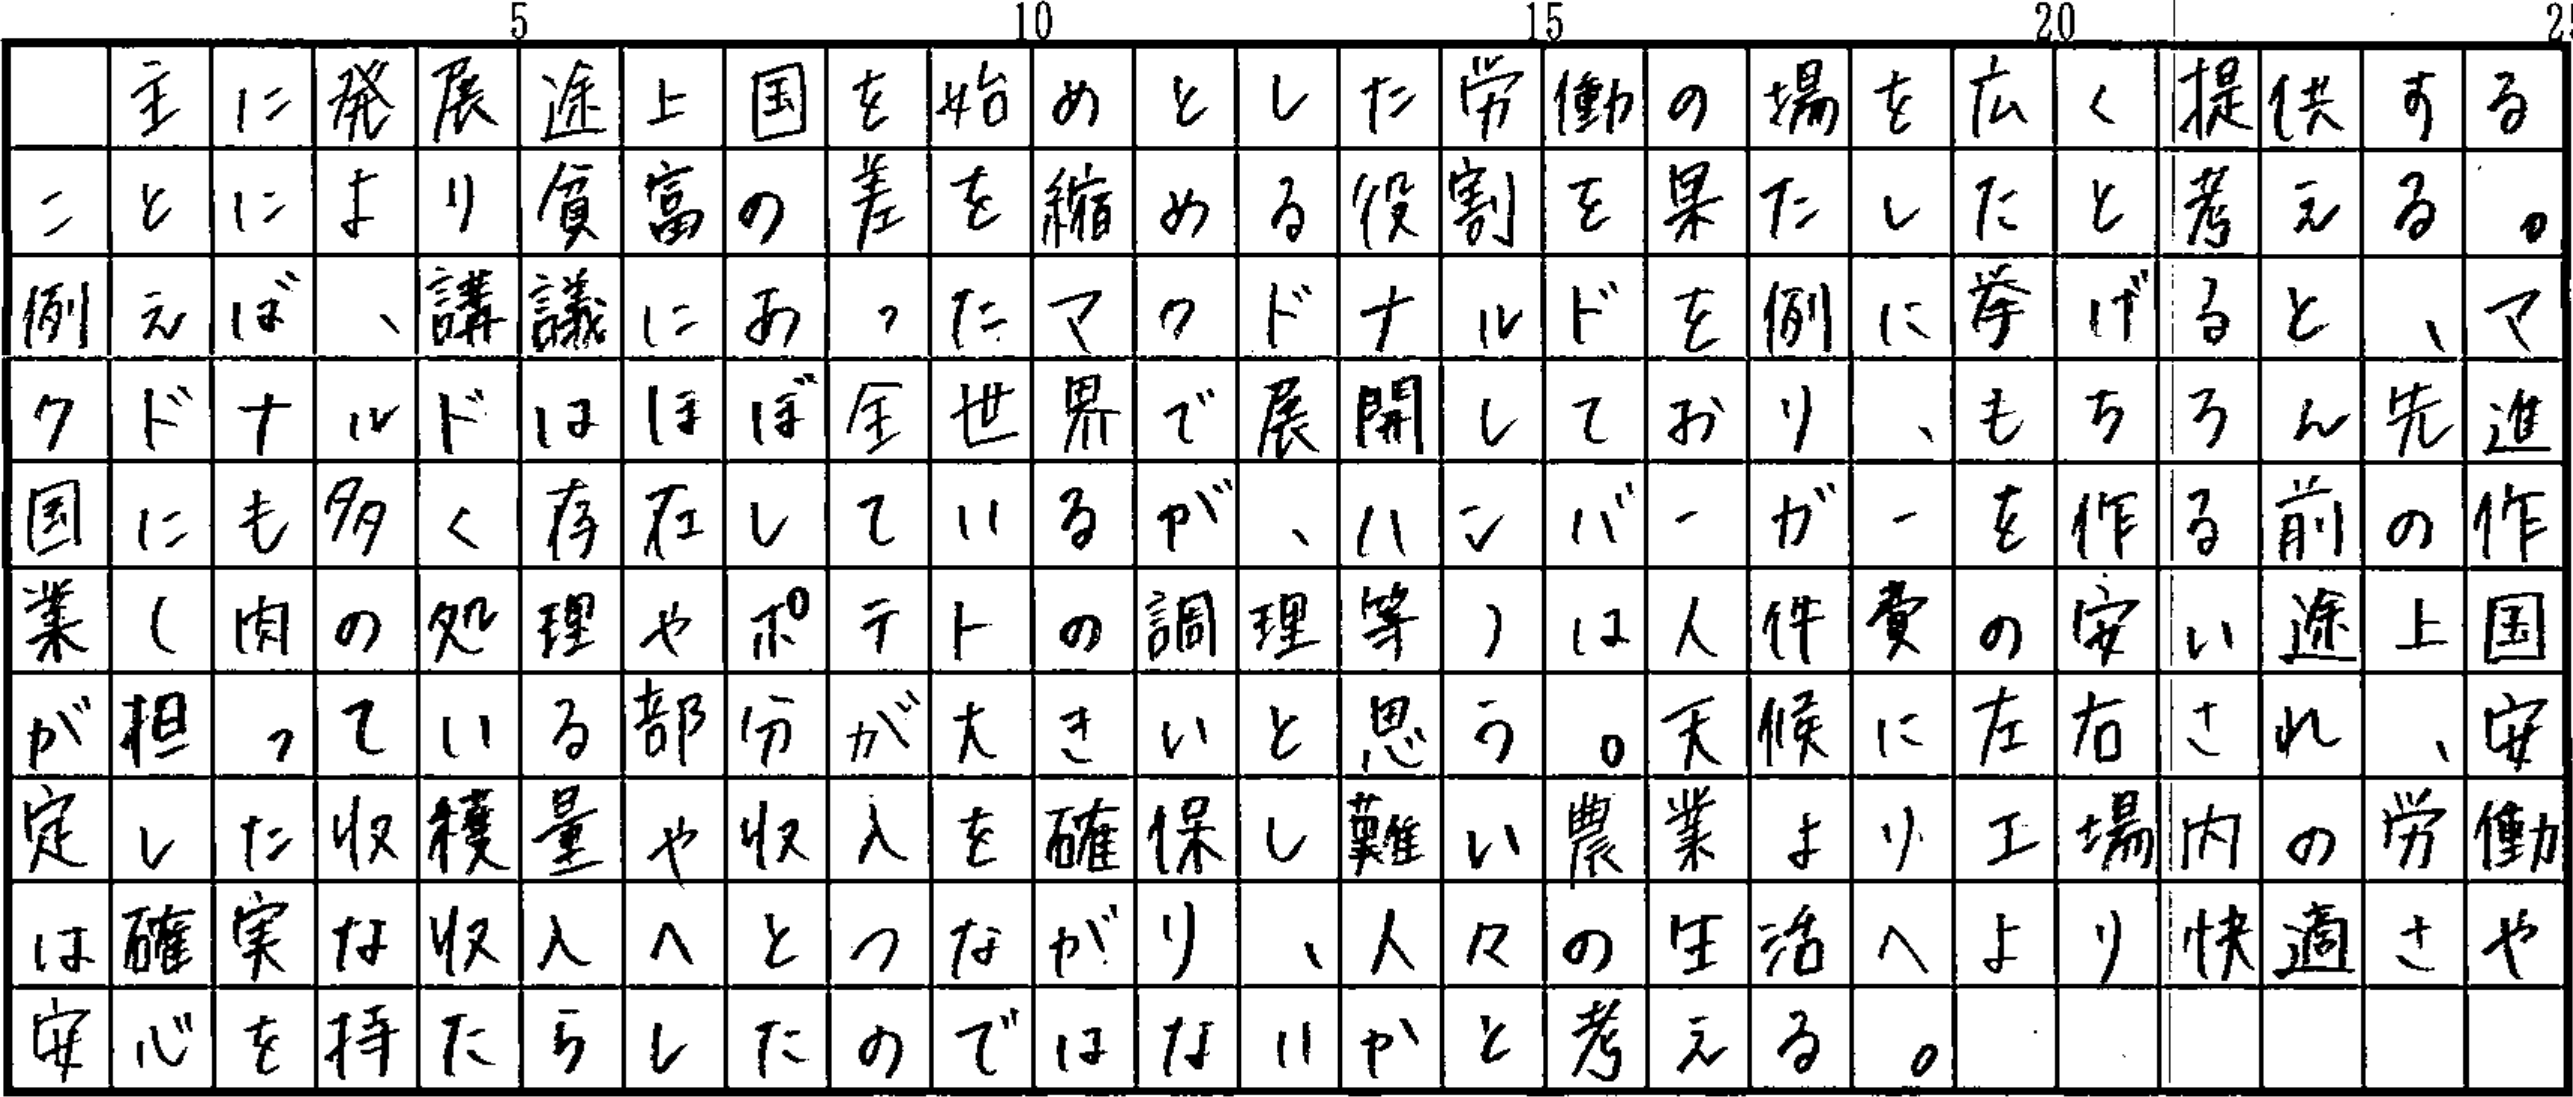　主に発展途上国を始めとした労働の場を広く提供することにより貧富の差を縮める役割を果たしたと考える。例えば、講議にあったマクドナルドを例に挙げると、マクドナルドはほぼ全世界で展開しており、もちろん先進国にも多く存在しているが、ハンバーガーを作る前の作業（肉の処理やポテトの調理等）は人件費の安い途上国が担っている部分が大きいと思う。天候に左右され、安定した収穫量や収入を▁保し難い農業より工場内の労働は▁実な収入へとつながり、人々の生活へより快適さや安心を持たらしたのではないかと考える。
